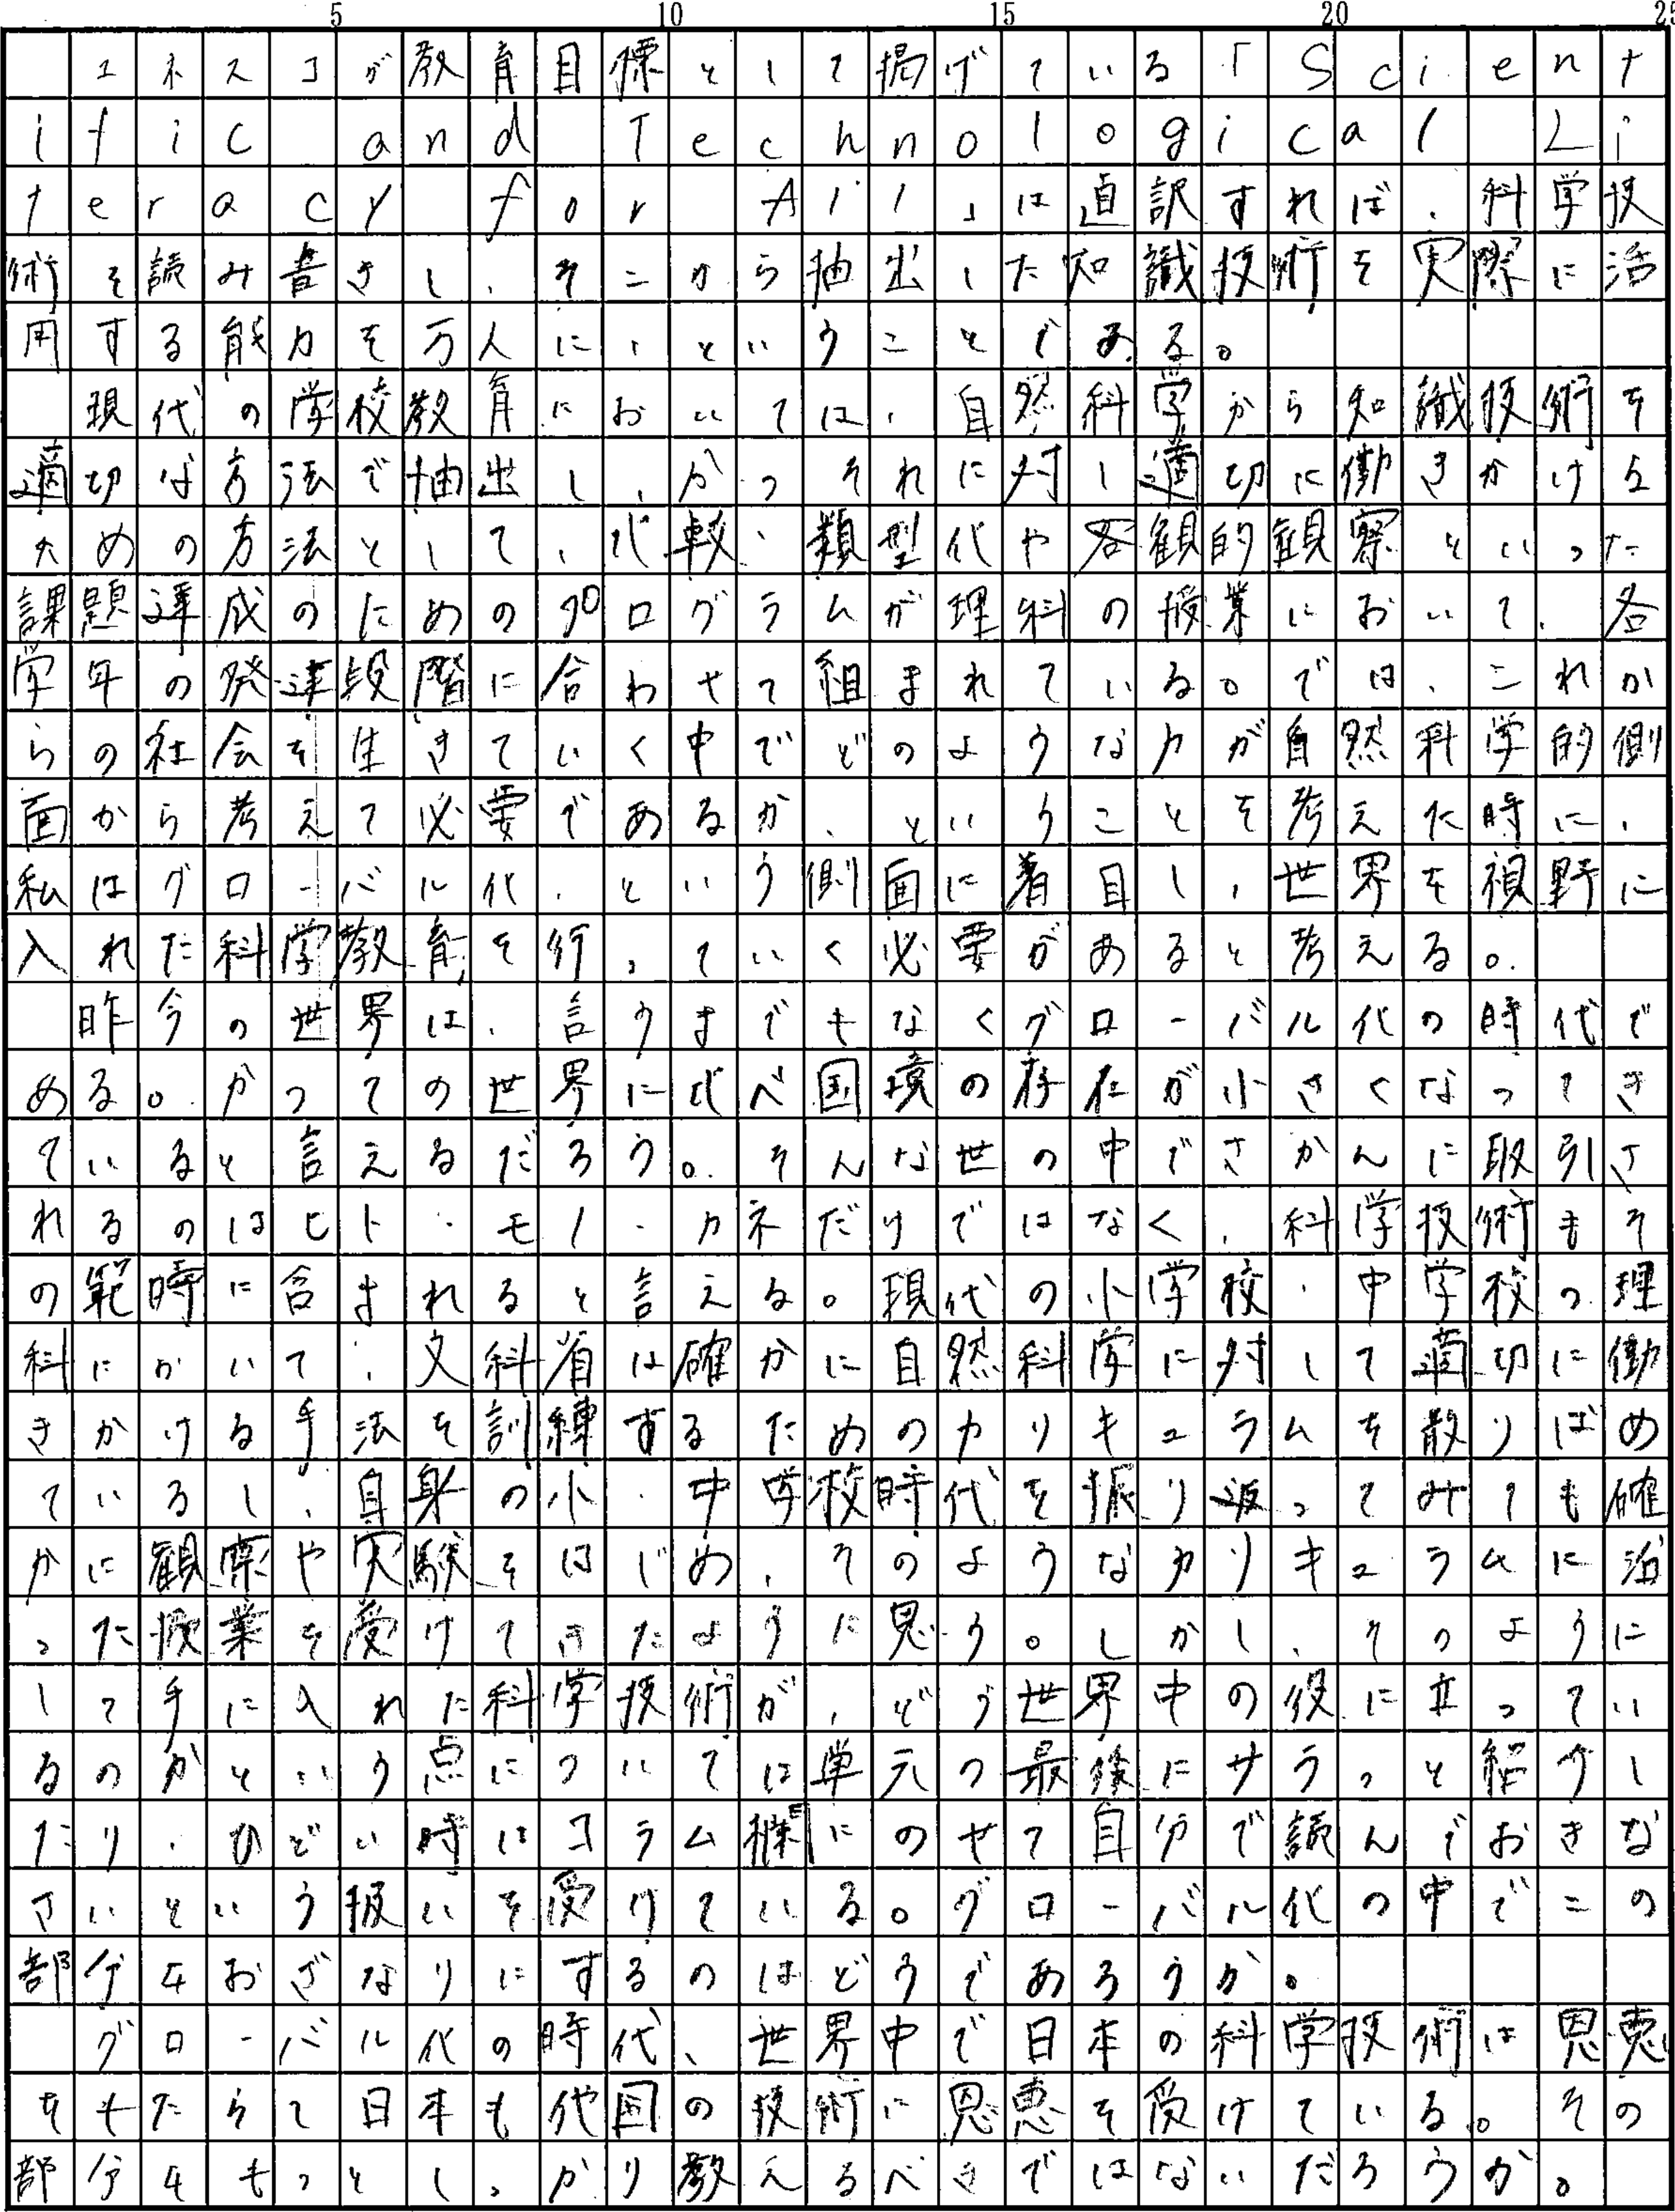　ユネスコが教育目標として掲げている「Ｓｃｉｅｎｔｉｆｉｃ　ａｎｄ　Ｔｅｃｈｎｏｌｏｇｉｃａｌ　Ｌｉｔｅｒａｃｙ　ｆｏｒ　Ａｌｌ」は直訳すれば、科学技術を読み書きし、そこから抽出した知識技術を実際に活用する能力を万人に、ということである。
　現代の学校教育においては、自然科学から知識技術を適切な方法で抽出し、かつそれに対し適切に働きかけるための方法として、比較・類似化や客観的観察といった課題達成のためのプログラムが理科の授業において、各学年の発達段階に合わせて組まれている。では、これからの社会を生きていく中でどのような力が自然科学的側面から考えて必要であるか、ということを考えた時に、私はグローバル化、という側面に着目し、世界を視野に入れた科学教育を行っていく必要があると考える。
　昨今の世界は、言うまでもなくグローバル化の時代である。かつての世界に比べ国境の存在が小さくなってきていると言えるだろう。そんな世の中でさかんに取引されるのはヒト・モノ・カネだけではなく、科学技術もその範▁に含まれると言える。現代の小学校・中学校の理科において、文科省は確かに自然科学に対して適切に働きかける手法を訓練するためのカリキュラムを散りばめているし、自身の小・中学校時代を振り返ってみても確かに観察や実験をはじめ、そのようなカリキュラムに沿った授業を受けてきたように思う。しかし、そのようにして手に入れた科学技術が、どう世界中の役に立っているのかという点については単元の最後にサラっと紹介したり、ひどい時はコラム欄にのせて自分で読んでおきなさいという扱いを受けている。グローバル化の中でこの部分をおざなりにするのはどうであろうか。
　グローバル化の時代、世界中で日本の科学技術は恩恵をもたらして日本も他国の技術に恩恵を受けている。その部分をもっとしっかり教えるべきではないだろうか。
